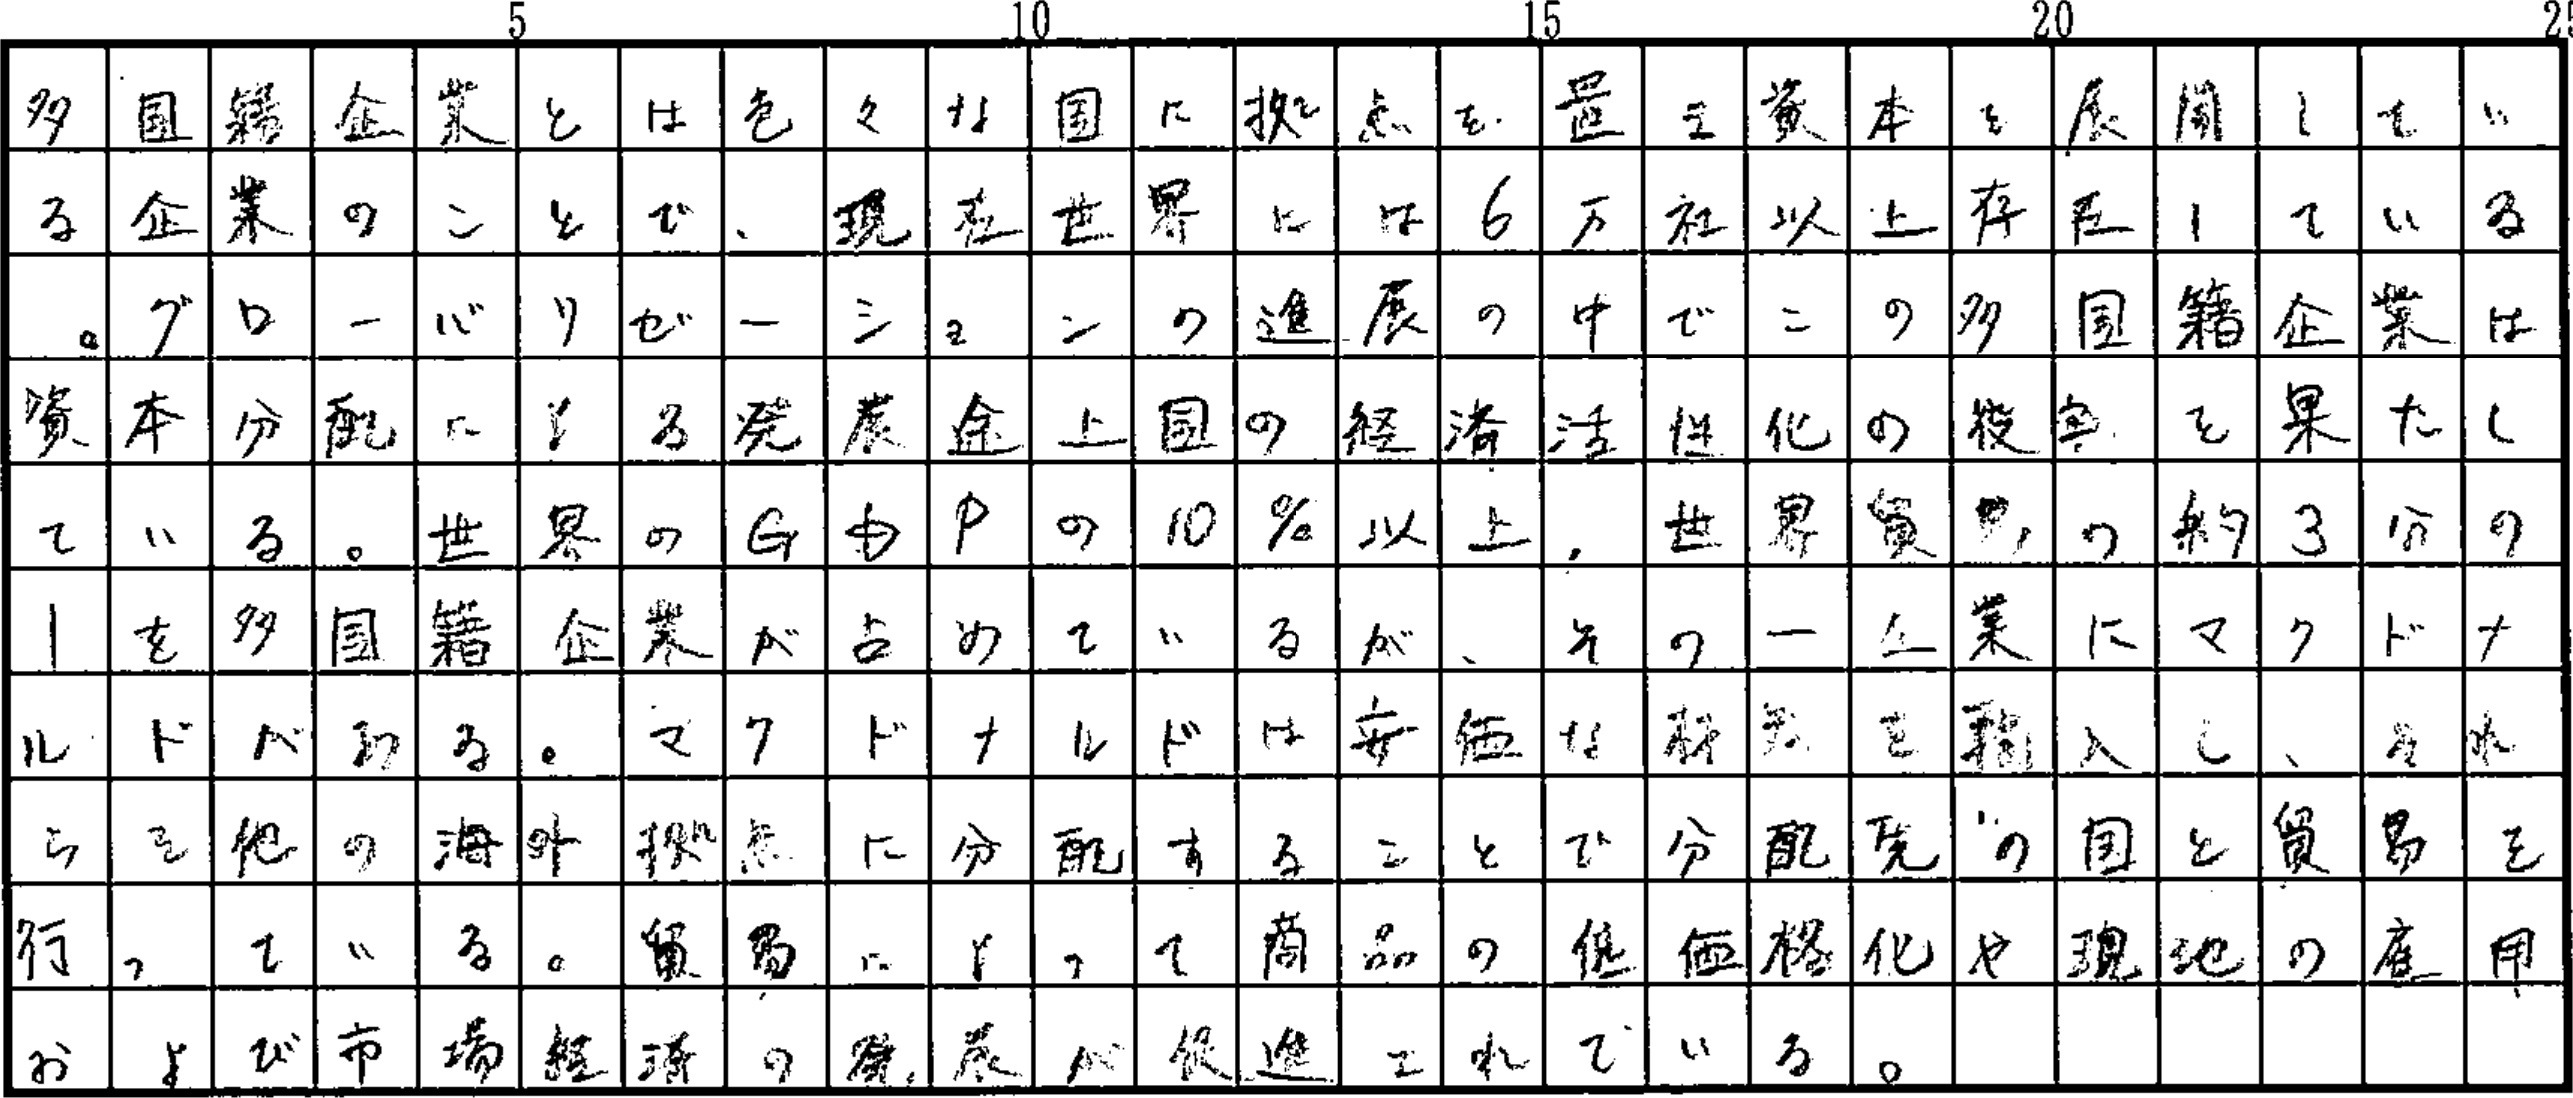多国籍企業とは色々な国に拠点を置き資本を展開している企業のことで、現在世界には６万社以上存在している。グローバリゼーションの進展の中でこの多国籍企業は資本分配による発展途上国の経済活性化の役割を果たしている。世界のＧＤＰの10％以上、世界貿易の約３分の１を多国籍企業が占めているが、その一企業にマクドナルドがある。マクドナルドは安価な材料を輸入し、それらを他の海外拠点に分配することで分配先の国と貿易を行っている。貿易によって商品の低価格化や現地の雇用および市場経済の発展が促進されている。
